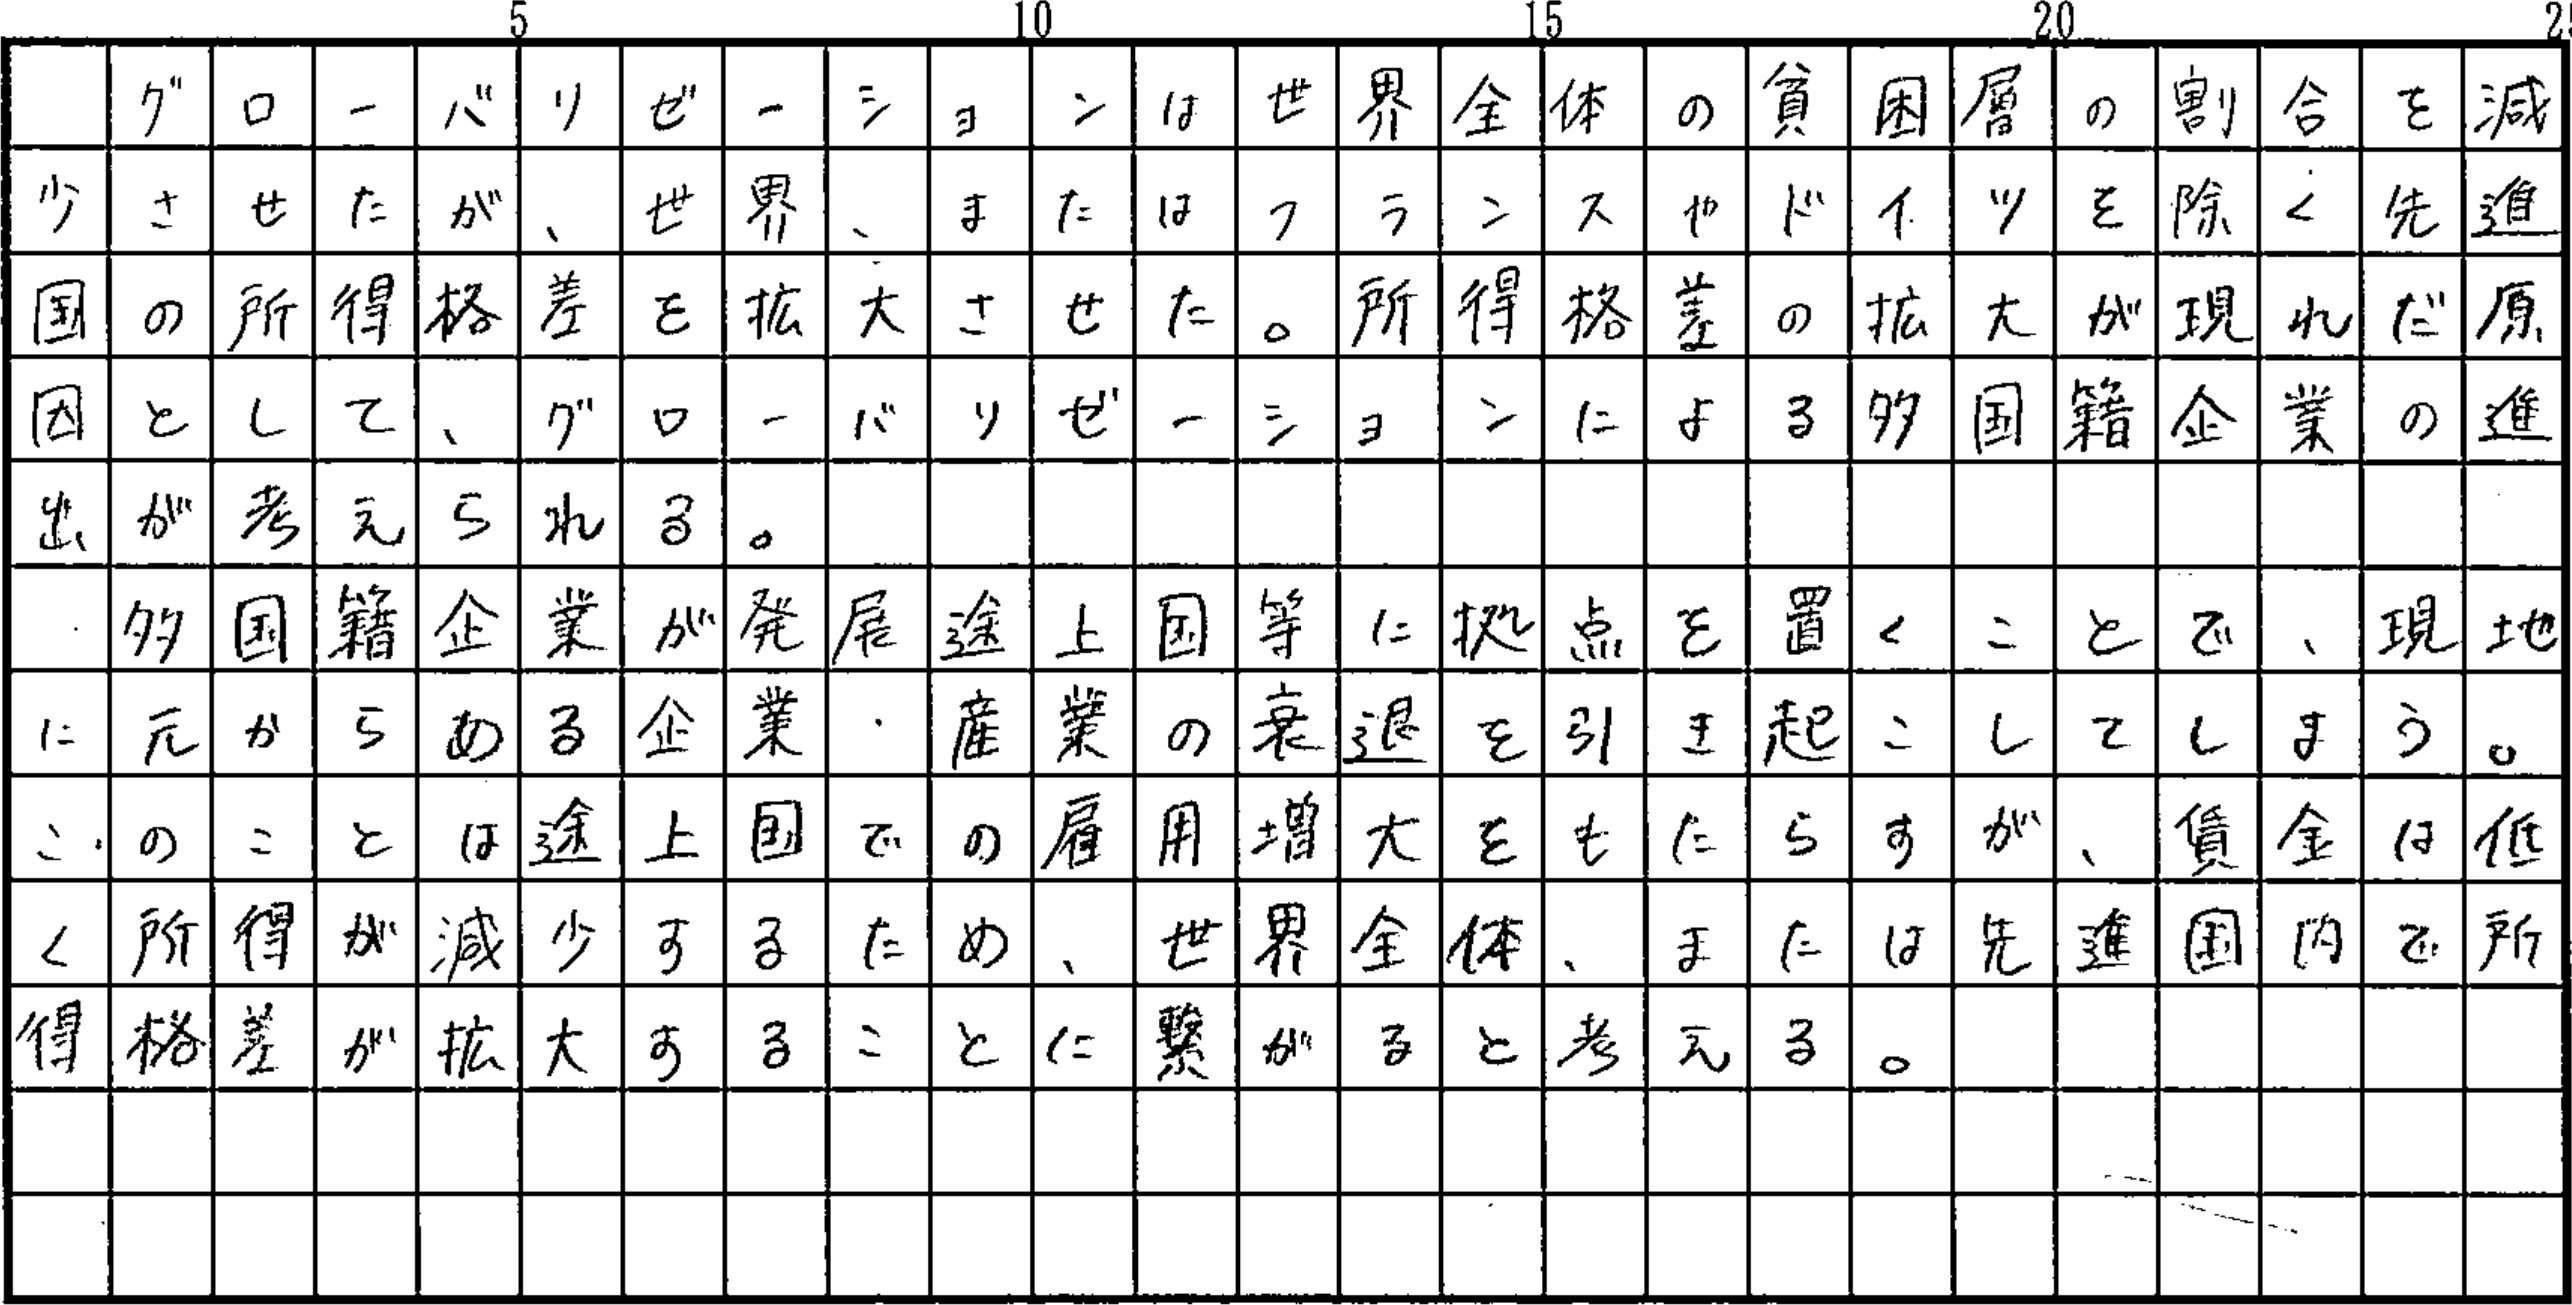　グローバリゼーションは世界全体の貧困層の割合を減少させたが、世界、またはフランスやドイツを除く先進国の所得格差を拡大させた。所得格差の拡大が現れだ原因として、グローバリゼーションによる多国籍企業の進出が考えられる。
　多国籍企業が発展途上国等に拠点を置くことで、現地に元からある企業・産業の衰退を引き起こしてしまう。このことは途上国での雇用増大をもたらすが、賃金は低く所得が減少するため、世界全体、または先進国内で所得格差が拡大することに繋がると考える。
